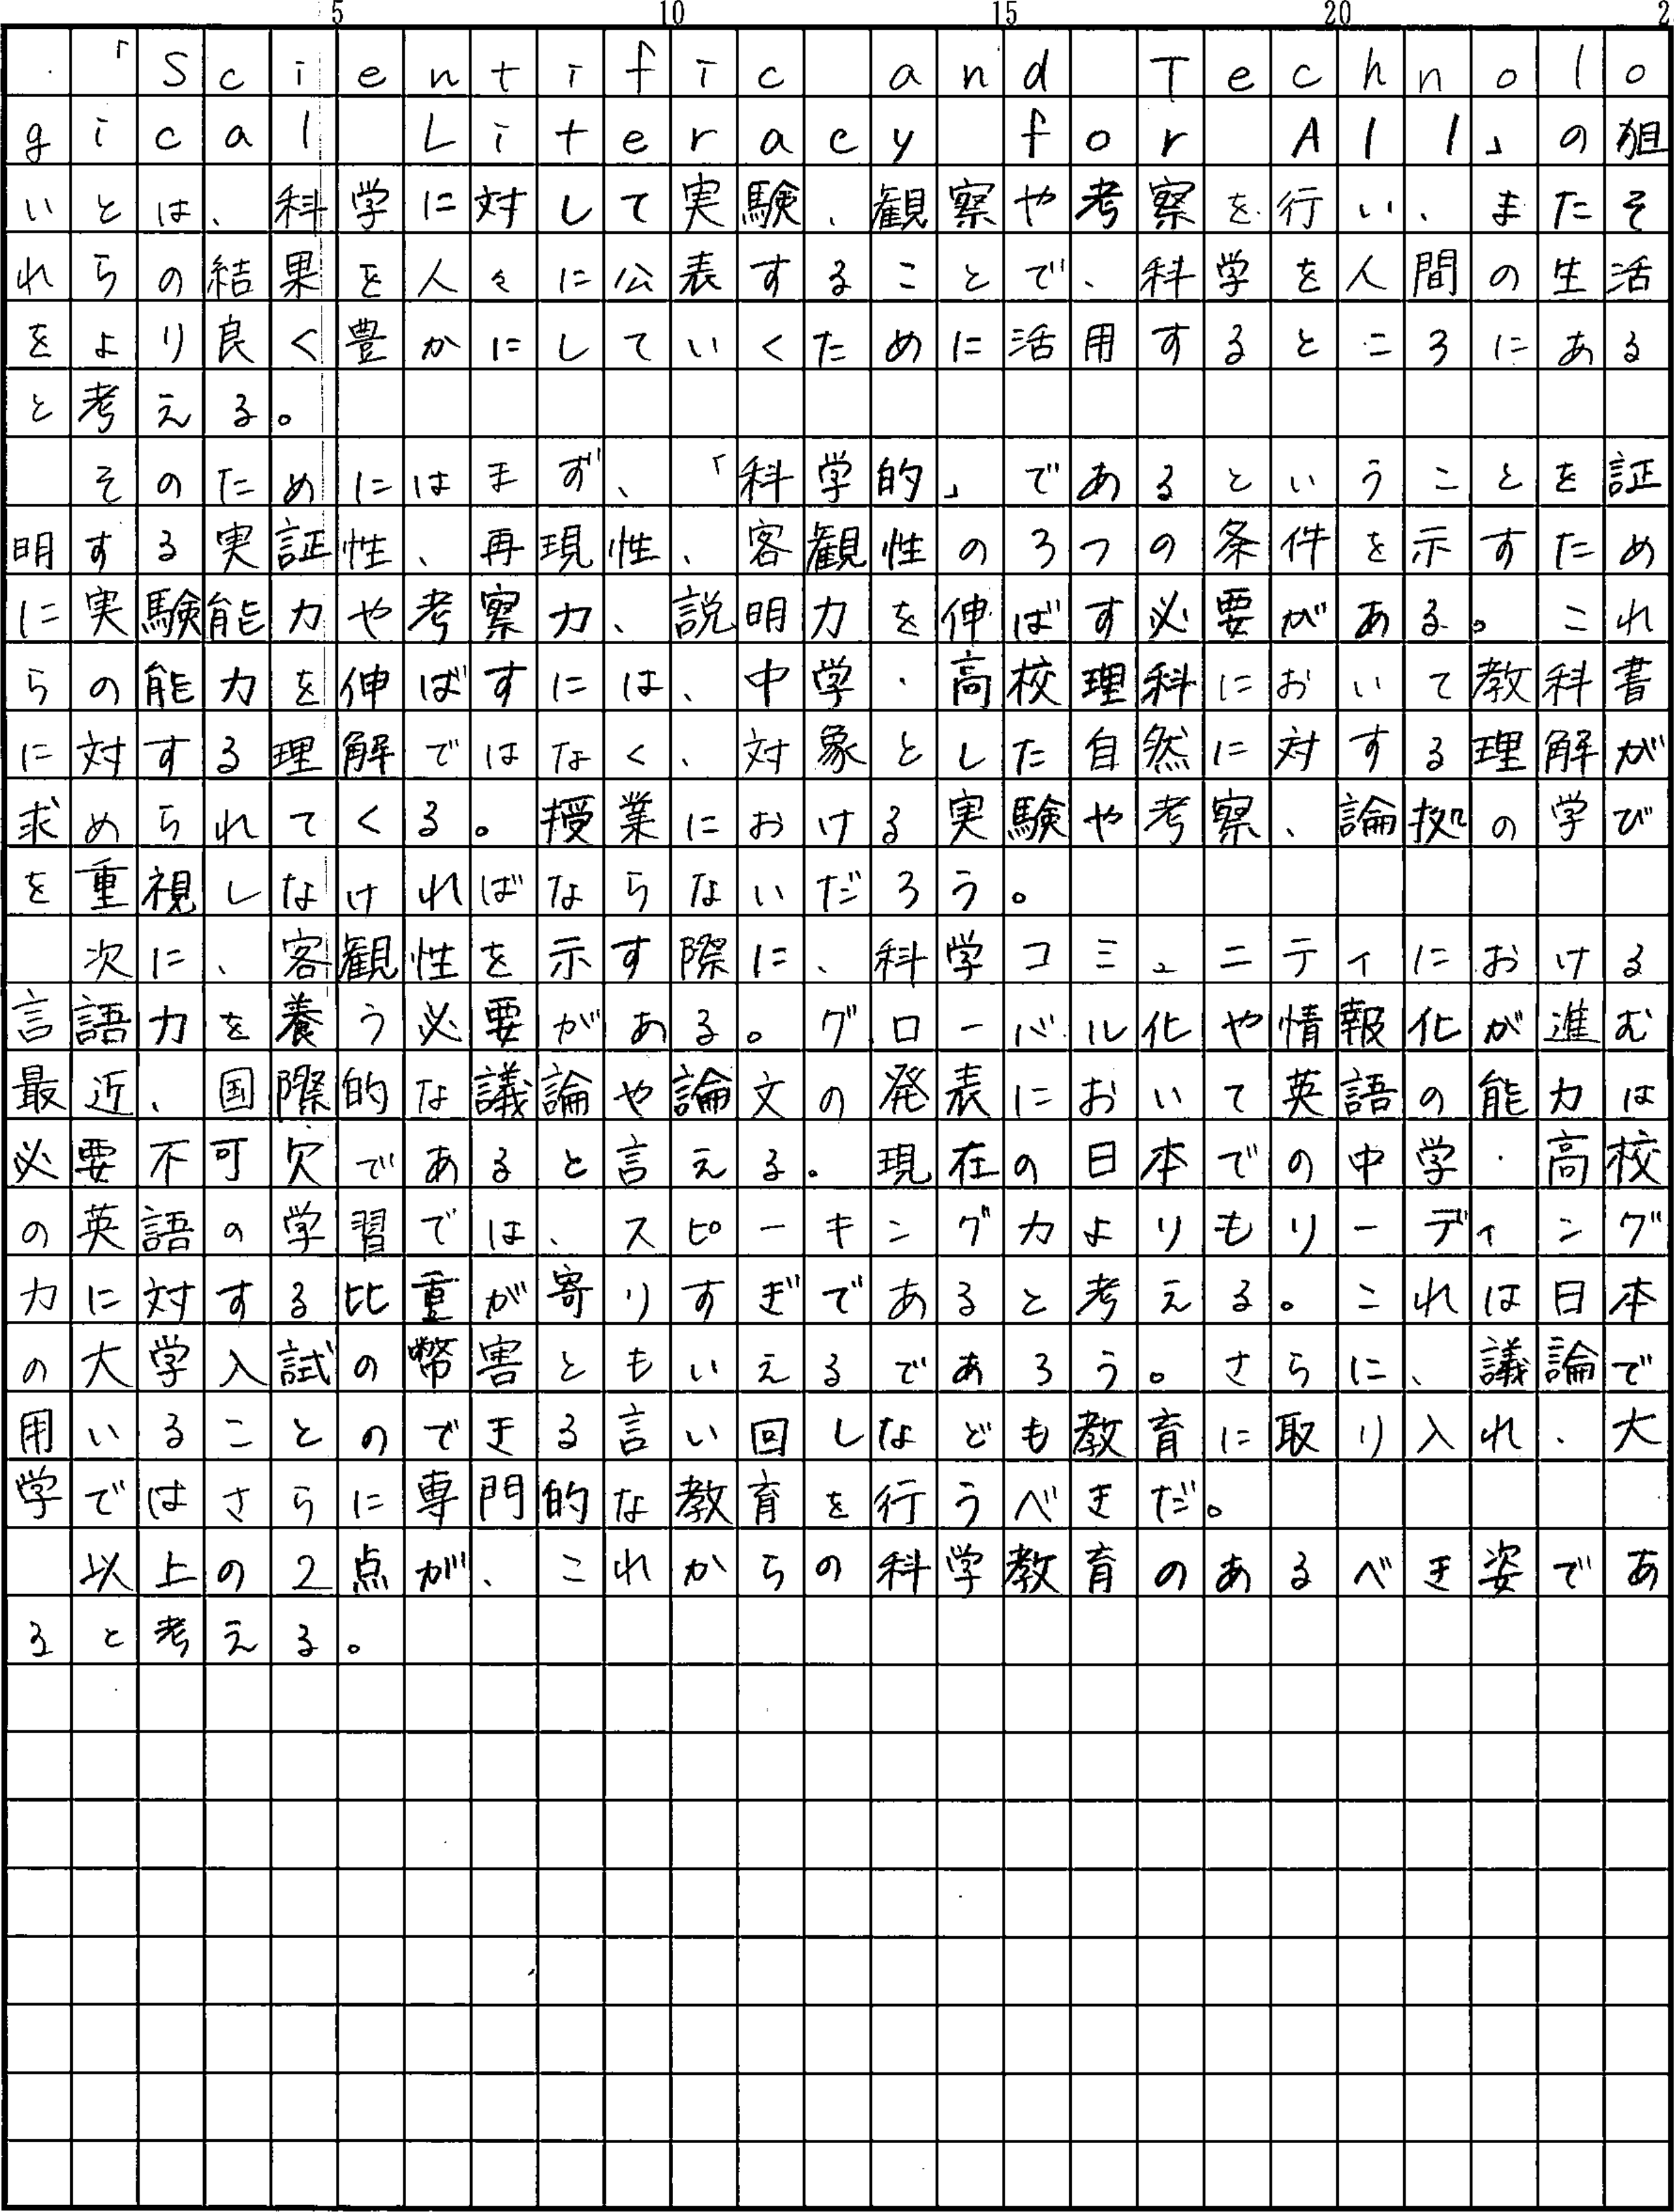　「Ｓｃｉｅｎｔｉｆｉｃ　ａｎｄ　Ｔｅｃｈｎｏｌｏｇｉｃａｌ　Ｌｉｔｅｒａｃｙ　ｆｏｒ　Ａｌｌ」の狙いとは、科学に対して実験、観察や考察を行い、またそれらの結果を人々に公表することで、科学を人間の生活をより良く豊かにしていくために活用するところにあると考える。
　そのためにはまず、「科学的」であるということを証明する実証性、再現性、客観性の３つの条件を示すために実験能力や考察力、説明力を伸ばす必要がある。これらの能力を伸ばすには、中学・高校理科において教科書に対する理解ではなく、対象とした自然に対する理解が求められてくる。授業における実験や考察、論拠の学びを重視しなければならないだろう。
　次に、客観性を示す際に、科学コミュニティにおける言語力を養う必要がある。グローバル化や情報化が進む最近、国際的な議論や論文の発表において英語の能力は必要不可欠であると言える。現在の日本での中学・高校の英語の学習では、スピーキング力よりもリーディング力に対する比重が寄りすぎであると考える。これは日本の大学入試の幣害ともいえるであろう。さらに、議論で用いることのできる言い回しなども教育に取り入れ、大学ではさらに専門的な教育を行うべきだ。
　以上の２点が、これからの科学教育のあるべき姿であると考える。
